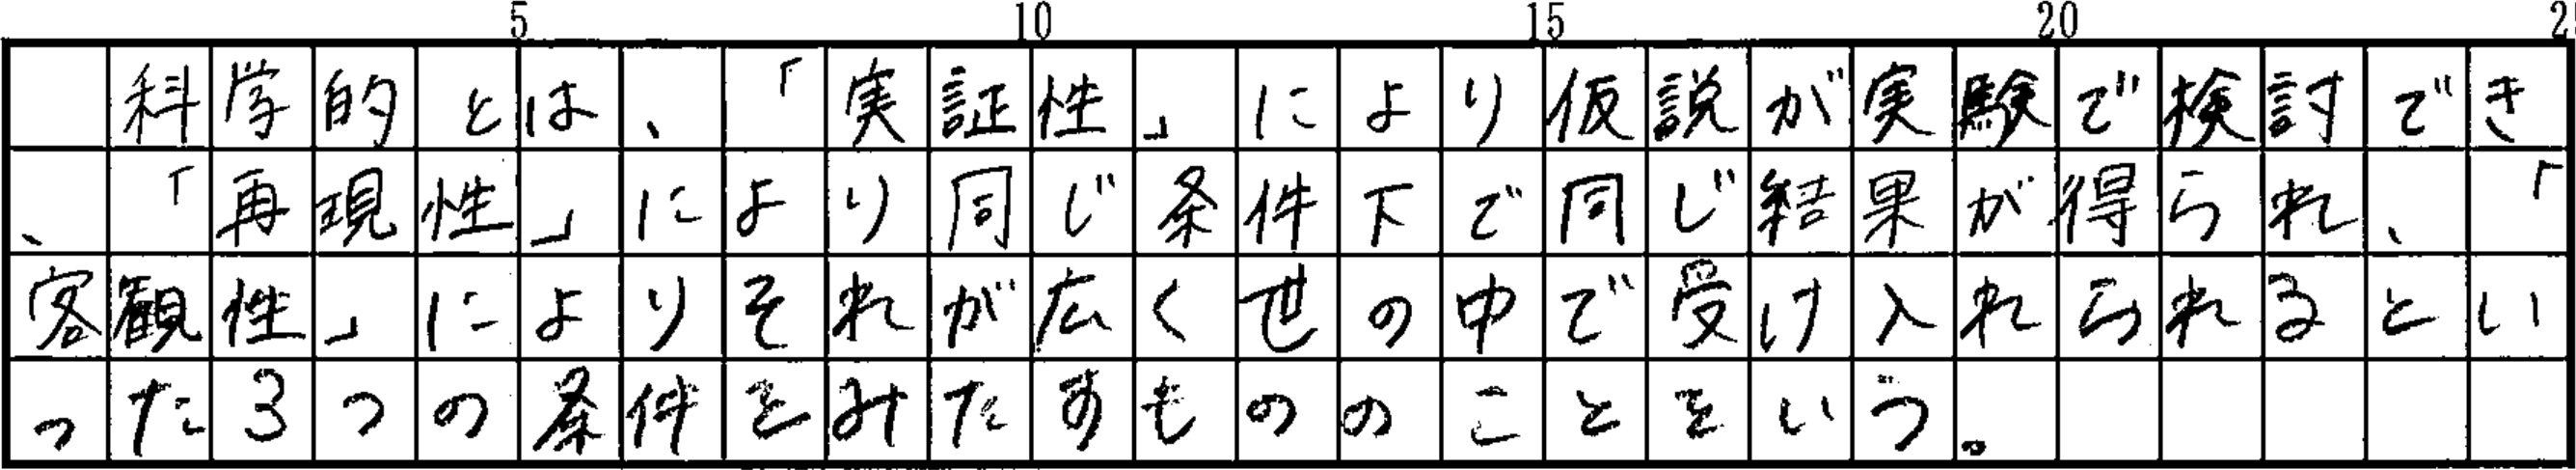　科学的とは、「実証性」により仮説が実験で検討でき、「再現性」により同じ条件下で同じ結果が得られ、「客観性」によりそれが広く世の中で受け入れられるといった３つの条件をみたすもののことをいう。
